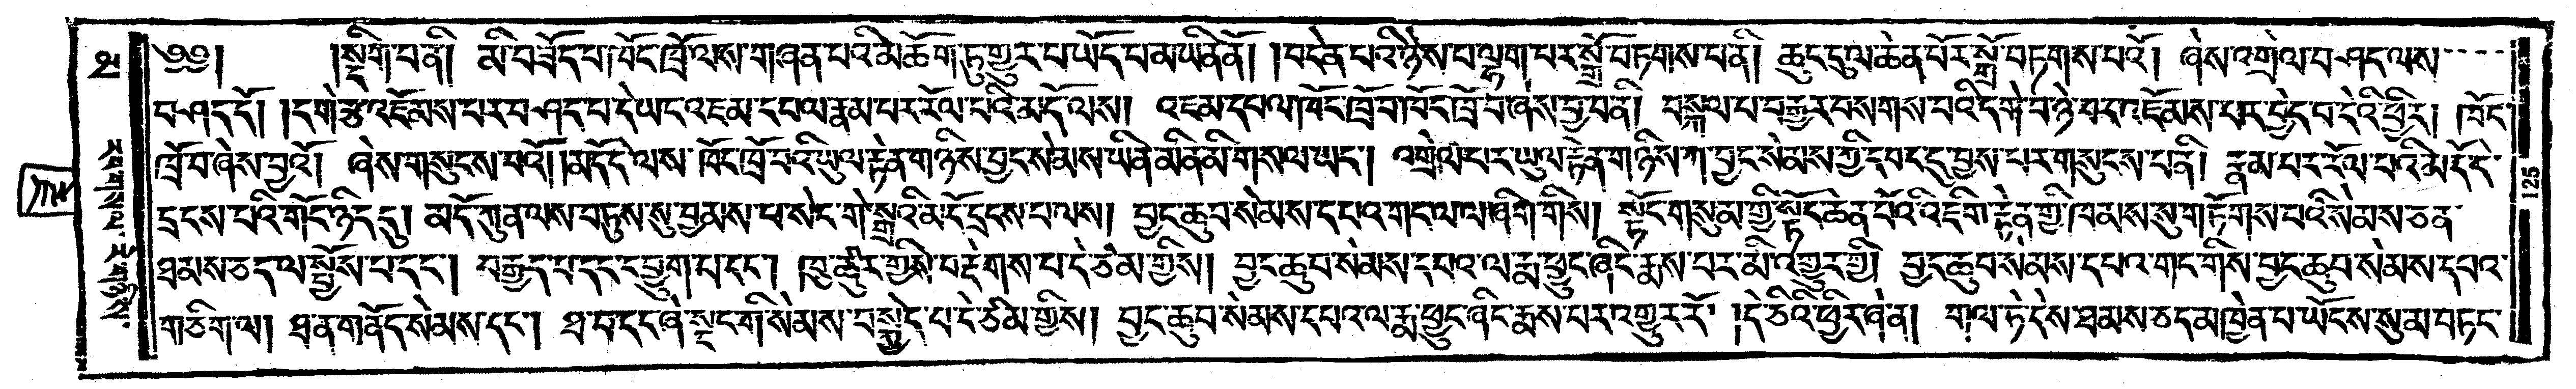༄༅། །སྡིག་པ་ནི། མི་བཟོད་པ་ཁོང་ཁྲོ་ལས་གཞན་པའི་མཆོག་ཏུ་གྱུར་པ་ཡོད་པ་མ་ཡིན་ནོ། །བདེན་པའི་ཉེས་པ་ལྷག་པར་སྒྲོ་བཏགས་པ་ནི། ཆུང་ངུ་ལ་ཆེན་པོར་སྒྲོ་བཏགས་པའོ། ཞེས་འགྲེལ་བཤད་ལས་
བཤད་དོ། །དགེ་རྩ་འཇོམས་པར་བཤད་པ་དེ་ཡང་འཇམ་དཔལ་རྣམ་པར་རོལ་པའི་མདོ་ལས། འཇམ་དཔལ་ཁོང་ཁྲོ་བ་ཁོང་ཁྲོ་བ་ཞེས་བྱ་བ་ནི། བསྐལ་པ་བརྒྱར་བསགས་པའི་དགེ་བ་ཉེ་བར་འཇོམས་པར་བྱེད་པ་དེའི་ཕྱིར། ཁོང་
ཁྲོ་བ་ཞེས་བྱའོ། ཞེས་གསུངས་པའོ། །མདོ་དེ་ལས་ཁོང་ཁྲོ་བའི་ཡུལ་རྟེན་གཉིས་བྱང་སེམས་ཡིན་མིན་མི་གསལ་ཡང་། འགྲེལ་པར་ཡུལ་རྟེན་གཉིས་ཀ་བྱང་སེམས་ཀྱི་དབང་དུ་བྱས་པར་གསུངས་པ་ནི། རྣམ་པར་རོལ་པའི་མདོ་དེ་
དྲངས་པའི་གོང་ཉིད་དུ། མདོ་ཀུན་ལས་བཏུས་སུ་བྱམས་པ་སེང་གེ་སྒྲའི་མདོ་དྲངས་པ་ལས། བྱང་ཆུབ་སེམས་དཔའ་གང་ལ་ལ་ཞིག་གིས། སྟོང་གསུམ་གྱི་སྟོང་ཆེན་པོའི་འཇིག་རྟེན་གྱི་ཁམས་སུ་གཏོགས་པའི་སེམས་ཅན་
ཐམས་ཅད་ལ་སྤྱོས་པ་དང་། བརྒྱད་པ་དང་དབྱུག་པ་དང་། ཁུ་ཚུར་གྱིས་བརྡེགས་པ་དེ་ཙམ་གིས། བྱང་ཆུབ་སེམས་དཔའ་ལ་རྨ་བྱུང་ཞིང་རྨས་པར་མི་འགྱུར་གྱི། བྱང་ཆུབ་སེམས་དཔའ་གང་གིས་བྱང་ཆུབ་སེམས་དཔའ་
གཅིག་ལ། ཐ་ན་གནོད་སེམས་དང་། ཐ་བ་དང་ཞེ་སྡང་གི་སེམས་བསྐྱེད་པ་དེ་ཙམ་གྱིས། བྱང་ཆུབ་སེམས་དཔའ་ལ་རྨ་ཕྱུང་ཞིང་རྨས་པར་འགྱུར་རོ། །དེ་ཅིའི་ཕྱིར་ཞེ་ན། གལ་ཏེ་དེས་ཐམས་ཅད་མཁྱེན་པ་ཡོངས་སུ་མ་བཏང་